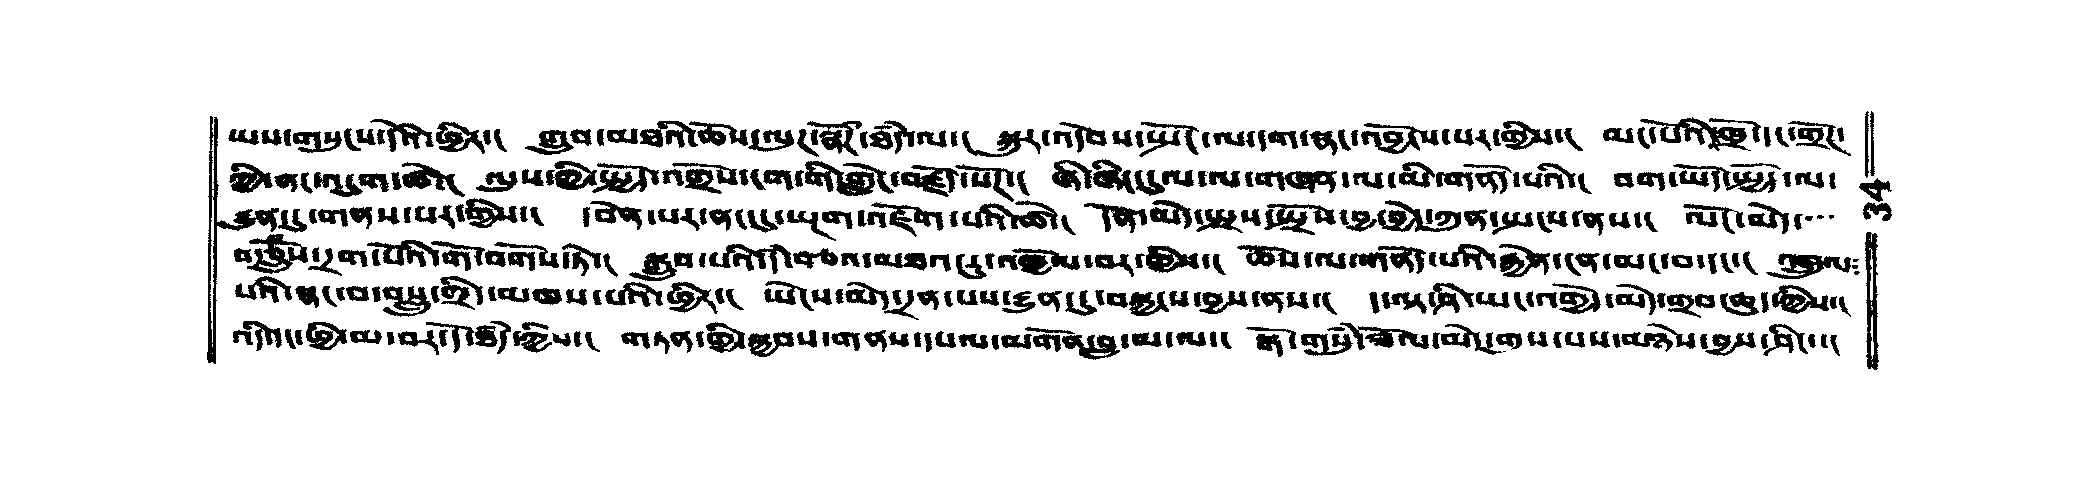ཡས་གསུངས་དེའི་ཕྱིར། །གྲུབ་མཐའི་ཆོས་ལུགས་སྣ་ཚོགས་ཐམས་ཅད་ལ། །སྐུར་འདེབས་སྤོངས་ལ་དག་སྣང་འབྱོངས་པར་གྱིས། །མང་པོའི་ཁྲོད་དང་གྲོགས་
ཀྱི་ནང་འདུག་ཚེ། །ལུས་ཀྱི་སྤྱོད་འགྲོས་ངག་གི་གླེང་བརྗོད་སོགས། །ཞི་ཞིང་དུལ་ལ་གཞན་ལ་མི་གནོད་པའི། །བག་ཡོད་སྤྱོད་ལ་
རྒྱུན་དུ་གནས་པར་གྱིས། །དབེན་པར་ནང་དུ་མཉམ་གཞག་འཇོག་པའི་ཚེ། །དོན་མེད་སྤྲས་སྤྲོས་བྱ་བྱེད་ཀུན་སྤངས་ནས། །ལོང་མེད་
བརྩོན་འགྲུས་དྲག་པོས་གོ་བགོས་ཏེ། །སྒྲུབ་པའི་དམ་བཅའ་མཐའ་རུ་འཁྱོལ་བར་གྱིས། །ཆོས་ལ་གནོད་པའི་རྐྱེན་ངན་མང་བ་དང་། །འཁྲུལ་
བའི་སྣང་བ་བསླུ་ཁྲིད་མཁས་པའི་ཕྱིར། །ཡེངས་མེད་དྲན་པས་རྒྱུན་དུ་བསྐྱངས་བྱས་ནས། །ད་ལྟ་ཤི་ཡང་འགྱོད་མེད་གྲབས་ཚུད་གྱིས། །
འདི་དང་ཕྱི་མ་བར་དོ་ཐམས་ཅད་ཀྱིས། །གཏན་གྱི་སྐྱབས་མགོན་དཔལ་མགོན་བླ་མ་ལ། །སྒོ་གསུམ་ཟོལ་མེད་གུས་པས་མཉེས་བྱས་ཤིང་།